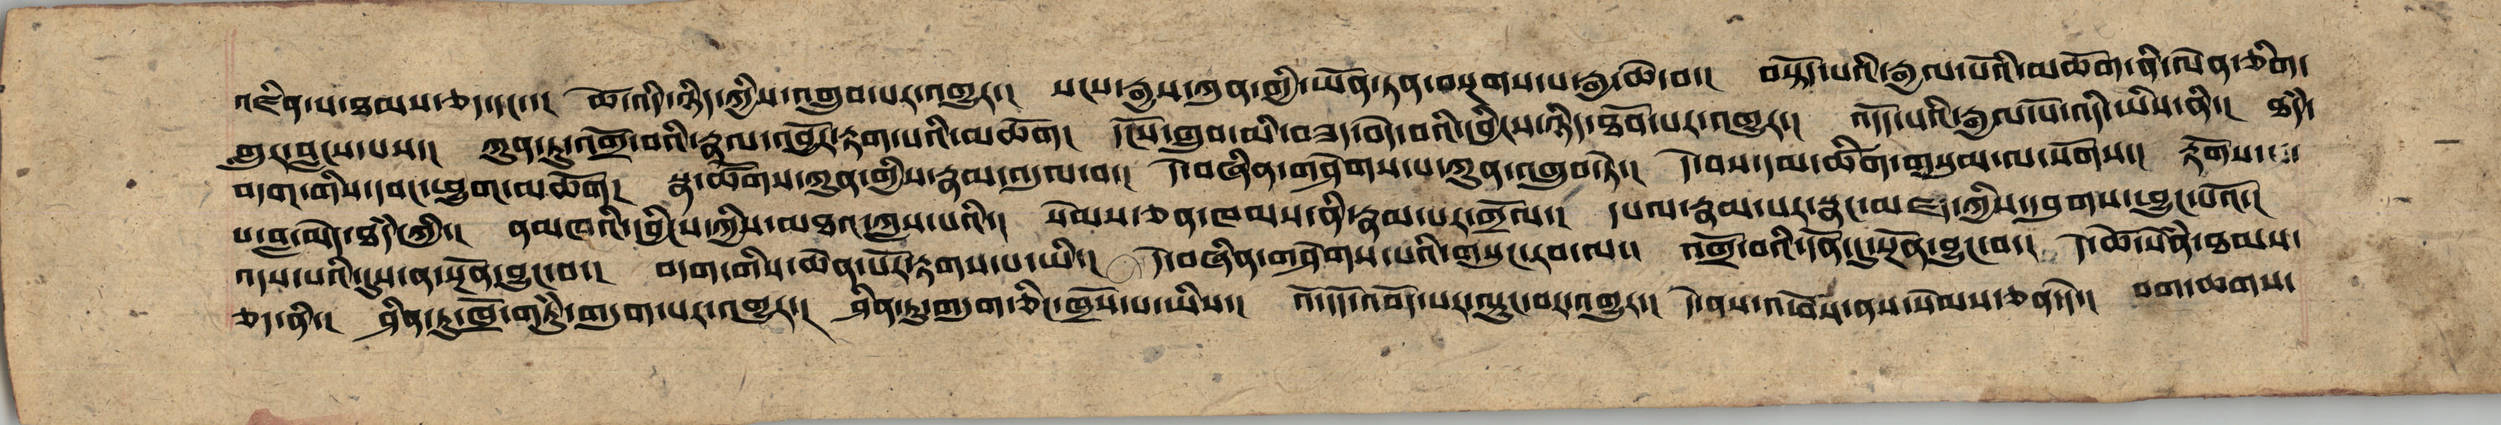འཛིན་པ་ཐམས་ཅད་དང་་། ཚེ་འདི་ཉིད་ཀྱིས་འགྲུབ་པར་འགྱུར་། སངས་རྒྱས་ཀུན་གྱི་ཡོན་ཏན་བསྔགས་པ་རྒྱ་ཆེ་བ་། བསྟོད་པའི་རྒྱལ་པོའི་མཆོག་ནི་ལེན་ཅིག་
གླུར་བླངས་པས་། ཀུན་ཏུ་འགྲོ་བའི་རྣལ་འབྱོར་རྟག་པའི་མཆོག། དངོས་གྲུབ་མི་བཟད་བདེ་བའི་དབྱིངས་ཉིད་ཐོབ་པར་འགྱུར་། འདོད་པའི་རྒྱལ་པོ་འདི་ཡིས་ནི་། ཐཾད་
བདག་གིས་དབང་ཕྱུག་མཆོག། སྣ་ཚོགས་ཀུན་གྱིས་རྣམ་འདུལ་བ་། དེ་བཞིན་གཤེགས་པ་ཀུན་འགྲུབ་ཏེ་། དེ་བས་དམ་ཚིག་གསུམ་ལ་སོགས་། རྟོགས་
པ་བླ་མེད་ཐཾད་ཀྱི་། ནམཁའི་དབྱིངས་ཀྱིས་མཐའ་ཀླས་པའི་། སེམས་ཅན་ཁམས་ནི་རྣམ་པར་གྲོལ་། དཔལ་རྣམ་པར་སྣང་མཛད་ཀྱིས་དབུགས་ཕྱུང་པའོ་།
འདས་པའི་དུས་ན་སྔོན་བྱུང་བ་། བདག་གིས་ཆེན་པོར་རྟགས་པ་ཡི་། དེ་བཞིན་གཤེགས་པའི་གསུང་རབ་ལ་། འགྲོ་བའི་དོན་དུ་སྔོན་བྱུང་བ་། དེ་ཚེ་སེཾན་ཐམས་
ཅད་ནི་། ཤིན་ཏུ་ཁྲོ་གཏུཾ་གདུག་པར་འགྱུར་། ཤིན་ཏུ་གདུག་ཅིང་ཁྲོས་པ་ཡིས་། འོ་དོད་འབོད་པར་ལྟུང་བར་འགྱུར་། དེ་ནས་འཕོས་ནས་སེམས་ཅན་དེ་། བག་ཆགས་